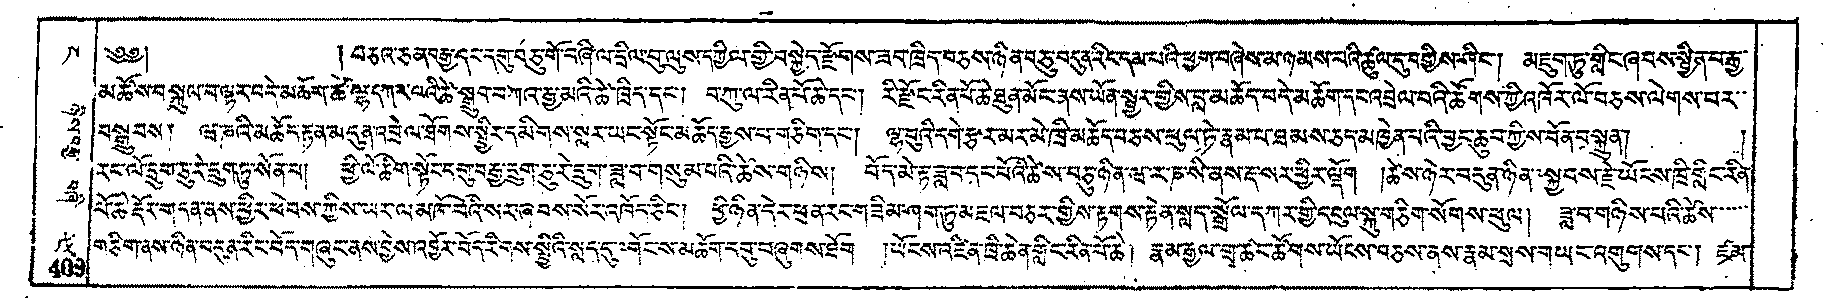༄༅། །བཅའ་ཅན་བརྒྱ་དང་དགུ་བཅུ་གོ་བཞི་ལ་དྲིལ་བུ་ལུས་དཀྱིལ་གྱི་བསྐྱེད་རྫོགས་ཟབ་ཁྲིད་བཅས་ཉིན་བཅུ་བདུན་རིང་དམ་པའི་ཕྱག་བཞེས་མ་ཉམས་པའི་ཚུལ་དུ་བགྱིས་ཤིང་། མཇུག་ཏུ་གླིང་ཞབས་སྦྱིན་པ་རྒྱ་
མཚོས་བསྐུལ་བ་ལྟར་བདེ་མཆོག་ཚེ་ལྷ་དཀར་པའི་ཚེ་སྒྲུབ་བཀའ་རྒྱ་མའི་ཚེ་ཁྲིད་དང་། བ་ཀུ་ལ་རིན་པོ་ཆེ་དང་། རི་རྫོང་རིན་པོ་ཆེ་ཐུན་མོང་ནས་ཡོན་སྦྱར་གྱིས་བླ་མཆོད་བདེ་མཆོག་དང་འབྲེལ་བའི་ཚོགས་ཀྱི་འཁོར་ལོ་བཅས་ལེགས་པར་
བསྒྲུབས། ཝ་ཎའི་མཆོད་རྟན་མདུན་འབྲེལ་ཐོགས་སྤྱིར་དམིགས་སླར་ཡང་སྟོང་མཆོད་རྒྱས་པ་གཅིག་དང་། ལྷ་བུའི་དགེ་རྩར་མར་མེ་ཁྲི་མཆོད་བཅས་ཕུལ་ཏེ་རྣམ་པ་ཐམས་ཅད་མཁྱེན་པའི་བྱང་ཆུབ་ཀྱི་ས་བོན་བསྐྲུན། །
རང་ལོ་དྲུག་ཅུ་རེ་དྲུག་ཏུ་སོན་པ། ཕྱི་ལོ་ཆིག་སྟོང་དགུ་བརྒྱ་དྲུག་ཅུ་རེ་དྲུག་ཟླ་བ་གསུམ་པའི་ཚེས་གཉིས། བོད་མེ་རྟ་ཟླ་བ་དང་པོའི་ཚེས་བཅུ་ཉིན་ཝ་ར་ཎ་སི་ནས་རྡ་སར་ཕྱིར་ལྡོག །ཚེས་ཉེར་བདུན་ཉིན་༧སྐྱབས་རྗེ་ཡོངས་ཁྲི་གླིང་རིན་
པོ་ཆེ་རྡོར་གདན་ནས་ཕྱིར་ཕེབས་ཀྱིས་ཡར་ལམ་ཁོ་བོའི་སར་༧ཞབས་སོར་འཁོད་ཅིང་། ཕྱི་ཉིན་དེར་ཕྲན་རང་གཟིམ་ཤག་ཏུ་མཇལ་བཅར་གྱིས་རྟགས་རྟེན་སླད་སྒྲོལ་དཀར་གྱི་དངུལ་སྐུ་གཅིག་སོགས་ཕུལ། ཟླ་བ་གཉིས་པའི་ཚེས་
གཅིག་ནས་ཉིན་བདུན་རིང་བོད་གཞུང་ནས་བྱེས་འབྱོར་བོད་རིགས་སྤྱིའི་སླད་དུ་༧གོང་ས་མཆོག་དབུ་བཞུགས་ཐོག །ཡོངས་འཛིན་ཁྲི་ཆེན་གླིང་རིན་པོ་ཆེ། རྣམ་རྒྱལ་གྲྭ་ཚང་ཚོགས་ཡོངས་བཅས་ནས་རྣམ་སྲས་གཡང་འགུགས་དང་། ཛམ་